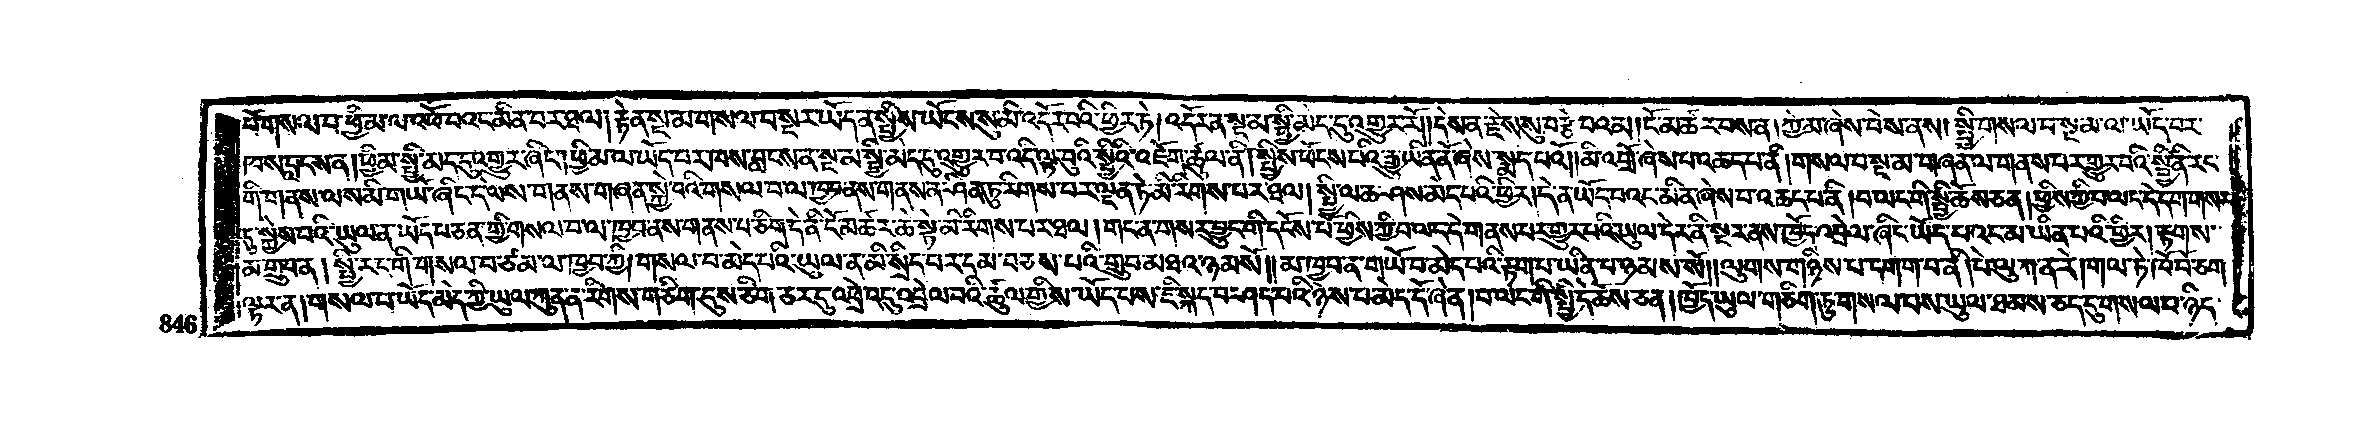པོ་གསལ་བ་ཕྱི་མ་ལ་འཕོ་བའང་མིན་པར་ཐལ། རྟེན་སྔ་མ་གསལ་བ་སྔར་ཡོད་ན་སྤྱིས་ཡོངས་སུ་མི་འདོར་བའི་ཕྱིར་ཏེ། འདོར་ན་སྔ་མ་སྤྱི་མེད་དུ་འགྱུར་རོ། །དེས་ན་རྗེས་སུ་བརྩེ་བའམ། ངོ་མཚར་བས་ན། ཀྱེ་མ་ཞེས་བོས་ནས། སྤྱི་གསལ་བ་སྔ་མ་ལ་ཡོད་པར་
ཁས་བླངས་ན། ཕྱི་མ་སྤྱི་མང་དུ་འགྱུར་ཞིང་། ཕྱི་མ་ལ་ཡོད་པར་ཁས་བླངས་ན་སྔ་མ་སྤྱི་མེད་དུ་འགྱུར་བ་འདི་ལྟ་བུའི་སྤྱིའི་འཇོག་ཚུལ་ནི། སྤྱིས་ཕོངས་པའི་རྒྱུ་ཡིན་ནོ་ཞེས་སྨད་པའོ། །མི་འགྲོ་ཞེས་པ་འཆད་པ་ནི། གསལ་བ་སྔ་མ་གཞན་ལ་གནས་པར་གྱུར་བའི་སྤྱི་ནི་རང་
གི་གནས་ལས་མི་གཡོ་ཞིང་དེ་ལས་གནས་གཞན་སྐྱེ་བའི་གསལ་བ་ལ་ཁྱབ་ནས་གནས་ན་ཤིན་ཏུ་རིགས་པར་ལྡན་ཏེ་མི་རིགས་པར་ཐལ། སྤྱི་ལ་ཆ་ཤས་མེད་པའི་ཕྱིར། དེ་ན་ཡོད་པའང་མིན་ཞེས་པ་འཆད་པ་ནི། བ་ལང་གི་སྤྱི་ཆོས་ཅན། ཕྱིས་ཀྱི་བ་ལང་དེ་དག་གསར་
དུ་སྐྱེས་པའི་ཡུལ་ན་ཡོད་པ་ཅན་གྱི་གསལ་བ་ལ་ཁྱབ་ནས་གནས་པ་ཅིག་དེ་ནི་ངོ་མཚར་ཆེ་སྟེ་མི་རིགས་པར་ཐལ། གང་ན་གསར་བྱུང་གི་དངོས་པོ་ཕྱིས་ཀྱི་བ་ལང་དེ་གནས་པར་གྱུར་པའི་ཡུལ་དེར་ནི་སྔར་ནས་ཁྱོད་འབྲེལ་ཞིང་ཡོད་པའང་མ་ཡིན་པའི་ཕྱིར། རྟགས་
མ་གྲུབ་ན། སྤྱི་རང་གི་གསལ་བ་ཙམ་ལ་ཁྱབ་ཀྱི། གསལ་བ་མེད་པའི་ཡུལ་ན་མི་སྲིད་པར་དམ་བཅས་པའི་གྲུབ་མཐའ་ཉམས་སོ། །མ་ཁྱབ་ན་གཡོ་བ་མེད་པའི་རྟག་པ་ཡིན་པ་ཉམས་སོ། །ལུགས་གཉིས་པ་དགག་པ་ནི། པེ་ལུ་ཀ་ན་རེ། གལ་ཏེ་ཁོ་བོ་ཅག་
ལྟར་ན། གསལ་བ་ཡོད་མེད་ཀྱི་ཡུལ་ཀུན་ན་རིགས་གཅིག་དུས་ཅིག་ཅར་དུ་འཕྲེ་འདུ་འབྲེལ་བའི་ཚུལ་གྱིས་ཡོད་པས་ཇི་སྐད་བཤད་པའི་ཉེས་པ་མེད་དོ་ཞེ་ན། བ་ལང་གི་སྤྱི་དེ་ཆོས་ཅན། ཁྱོད་ཡུལ་གཅིག་ཏུ་གསལ་བས་ཡུལ་ཐམས་ཅད་དུ་གསལ་བ་ཉིད་